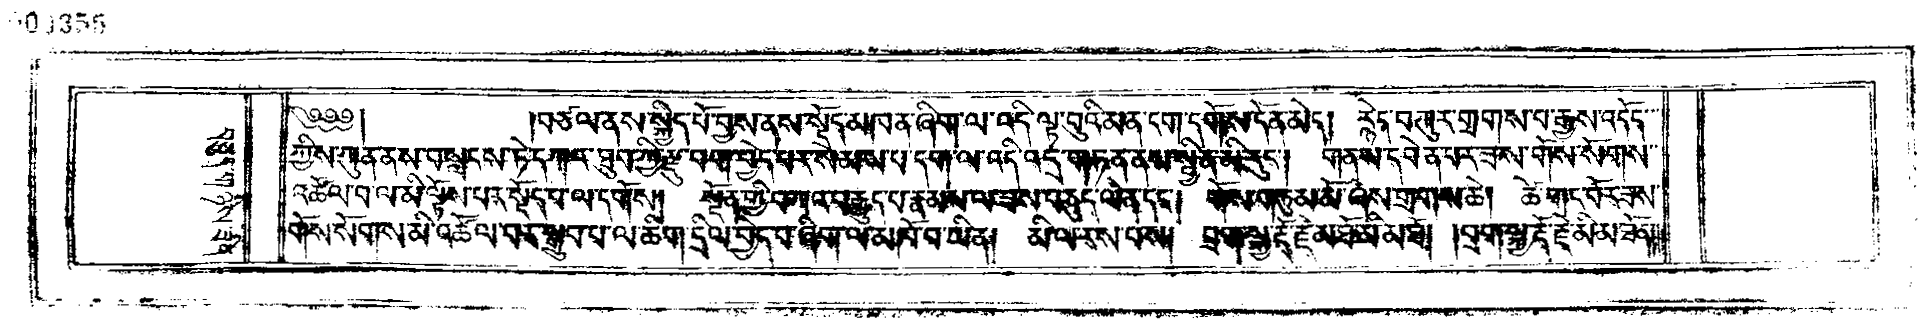༄༅༅། །བཙལ་ནས་སྐྱིད་པོ་བྱས་ནས་སྡོད་མཁན་ཞིག་ལ་འདི་ལྟ་བུའི་མན་ངག་དགོས་དོན་མེད། རྙེད་བཀུར་གྲགས་པ་རྒྱས་འདོད་
ཀྱིས་ཀུན་ནས་བསླངས་ཏེ་དཀའ་ཐུབ་ཀྱི་རྫུ་བག་བྱེད་པར་སེམས་པ་དག་ལ་འདི་འདྲ་གཏན་ནས་སྦྱིན་མི་རུང་། གནས་དབེན་པར་ཟས་གོས་སོགས་
འཚོལ་བ་ལ་མི་ལྟོས་པར་སྡོད་པ་ལ་དགོས། སྔོན་གྱི་བཀའ་བརྒྱུད་པ་རྣམས་ལ་ཟས་བཅུད་ལེན་དང་། གོས་གཏུམ་མོ་ཞེས་གྲགས་ཆེ། ཚེ་གང་བོར་ཟས་
གོས་སོགས་མི་འཚོལ་བར་སྒྲུབ་པ་ལ་ཆིག་དྲིལ་བྱེད་པ་ཞིག་ལ་མཁོ་བ་ཡིན། མི་ལ་རས་པས། བྲག་སྐྱ་རྡོ་རྗེ་མཐོ་མི་མཐོ། །བྲག་སྐྱ་རྡོ་རྗེ་མི་མཐོན། །